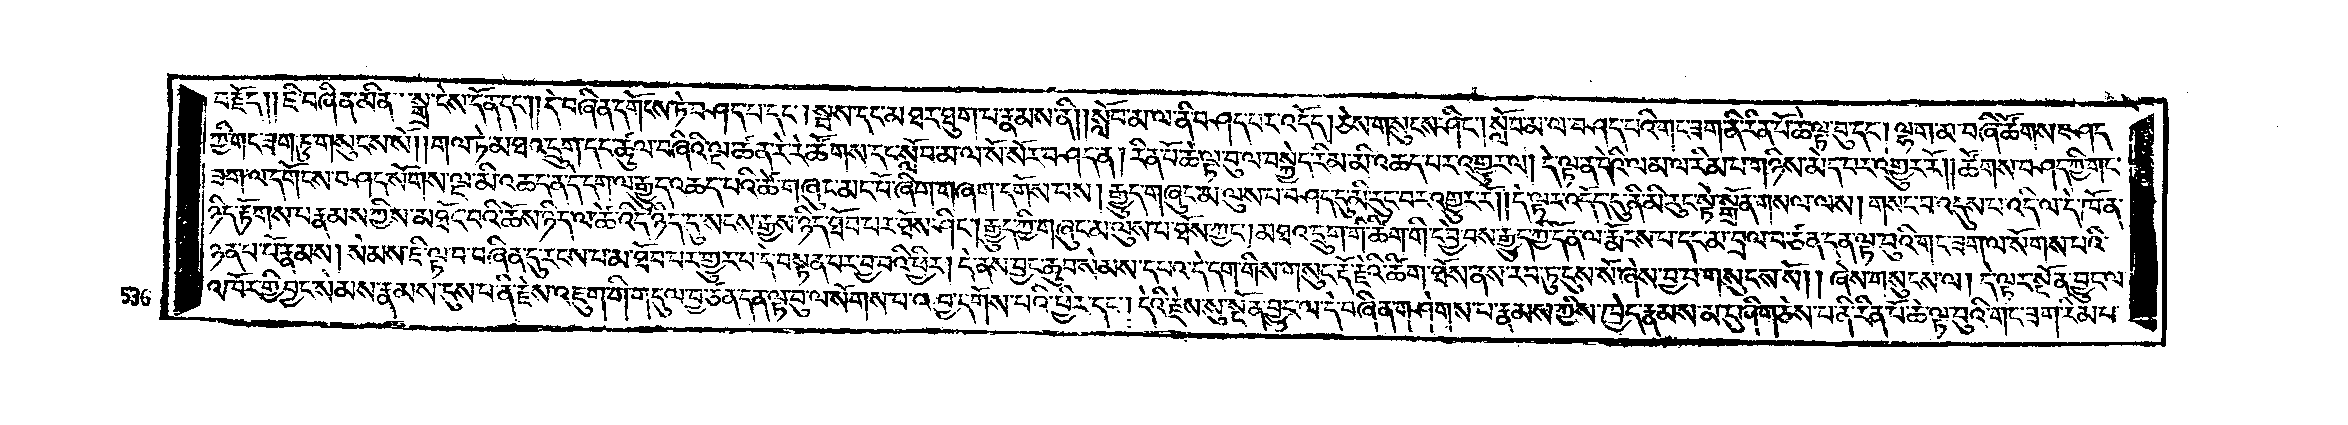བརྗོད། །ཇི་བཞིན་མིན་སྒྲ་ངེས་དོན་དང་། །དེ་བཞིན་དགོངས་ཏེ་བཤད་པ་དང་། སྦས་དང་མཐར་ཐུག་པ་རྣམས་ནི། །སློབ་མ་ལ་ནི་བཤད་པར་འདོད། ཅེས་གསུངས་ཤིང་། སློབ་མ་ལ་བཤད་པའི་གང་ཟག་ནི་རིན་པོ་ཆེ་ལྟ་བུ་དང་། ལྷག་མ་བཞི་ཚོགས་བཤད་
ཀྱི་གང་ཟག་ཏུ་གསུངས་སོ། །གལ་ཏེ་མཐའ་དྲུག་དང་ཚུལ་བཞིའི་ལྔ་ཚན་རེ་རེ་ཚོགས་དང་སློབ་མ་ལ་སོ་སོར་བཤད་ན། རིན་པོ་ཆེ་ལྟ་བུ་ལ་བསྐྱེད་རིམ་མི་འཆད་པར་འགྱུར་ལ། དེ་ལྟ་ན་དེའི་ལམ་ལ་རིམ་པ་གཉིས་མེད་པར་འགྱུར་རོ། །ཚོགས་བཤད་ཀྱི་གང་
ཟག་ལ་དགོངས་བཤད་སོགས་ལྔ་མི་འཆད་ན་དེ་དག་ལ་རྒྱུད་འཆད་པའི་ཚེ་གཞུང་མང་པོ་ཞིག་གཞག་དགོས་པས། རྒྱུད་གཞུང་མ་ལུས་པ་བཤད་དུ་མི་རུང་བར་འགྱུར་རོ། །དེ་ལྟར་འདོད་དུ་ནི་མི་རུང་སྟེ་སྒྲོན་གསལ་ལས། གསང་བ་འདུས་པ་འདི་ལ་དེ་ཁོ་ན་
ཉིད་རྟོགས་པ་རྣམས་ཀྱིས་མཐོང་བའི་ཆོས་ཉིད་ལ་ཚེ་འདི་ཉིད་དུ་སངས་རྒྱས་ཉིད་ཐོབ་པར་ཐོས་ཤིང་། རྒྱུད་ཀྱི་གཞུང་མ་ལུས་པ་ཐོས་ཀྱང་། མཐའ་དྲུག་གི་ཚིག་གི་དབྱེ་བས་རྒྱུད་ཀྱི་དོན་ལ་རྨོངས་པ་དང་མ་བྲལ་བ་ཙན་དན་ལྟ་བུའི་གང་ཟག་ལ་སོགས་པའི་
ཉན་པ་པོ་རྣམས། སེམས་ཇི་ལྟ་བ་བཞིན་དུ་རངས་པ་མ་ཐོབ་པར་གྱུར་པ་དེ་བསྟན་པར་བྱ་བའི་ཕྱིར། དེ་ནས་བྱང་ཆུབ་སེམས་དཔའ་དེ་དག་གིས་གསུང་རྡོ་རྗེའི་ཚིག་ཐོས་ནས་རབ་ཏུ་དུས་སོ་ཞེས་བྱ་བ་གསུངས་སོ། །ཞེས་གསུངས་ལ། དེ་ལྟར་སྔོན་བྱུང་ལ་
འཁོར་གྱི་བྱང་སེམས་རྣམས་དུས་པ་ནི་རྗེས་འཇུག་གི་གདུལ་བྱ་ཙན་དན་ལྟ་བུ་ལ་སོགས་པ་ལ་བྱ་དགོས་པའི་ཕྱིར་དང་། དེའི་རྗེས་སུ་སྔོན་བྱུང་ལ་དེ་བཞིན་གཤེགས་པ་རྣམས་ཀྱིས་ཁྱེད་རྣམས་མ་དུ་ཞིག་ཅེས་པ་ནི་རིན་པོ་ཆེ་ལྟ་བུའི་གང་ཟག་རིམ་པ་